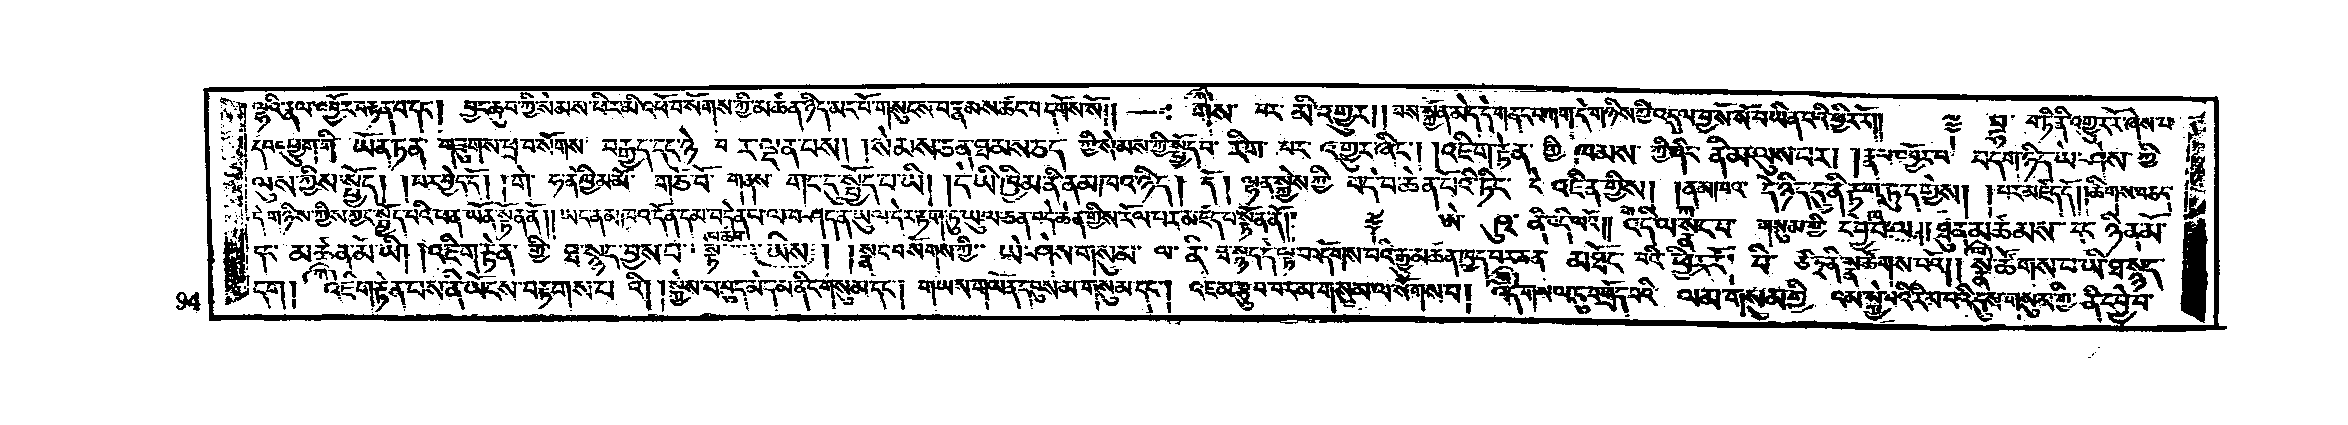ལྷའི་རྣལ་འབྱོར་བརྟན་པ་དང་། བྱང་ཆུབ་ཀྱི་སེམས་ཕྱིར་མི་འཕོ་བ་སོགས་ཀྱི་མཚན་ཉིད་མང་པོ་གསུངས་པ་རྣམས་ཚང་བ་དགོས་སོ།། H.་གས་བར་མི་འགྱུར། །བས་སྐྱོན་མེད་དེ་གནང་བཀག་དེ་གཉིས་ཀྱི་འདུལ་བྱ་སོ་སོ་བ་ཡིན་པའི་ཕྱིར་རོ།། ༈ བྷ་བ་ཏི་ནི་འགྱུར་རོ་ཞེས་བའོ།
དབང་ཕྱུག་གི་ཡོན་ཏན་གཟུགས་ཕྲ་བ་སོགས་བརྒྱད་དང་ཉེ་བར་ལྡན་པས། །སེམས་ཅན་ཐམས་ཅད་ཀྱི་སེམས་ཀྱི་སྤྱོད་པ་རིག་པར་འགྱུར་ཞིང་། །འཇིག་རྟེན་གྱི་ཁམས་ཀྱི་ཞིང་ནི་མ་ལུས་པར། །རྣལ་འབྱོར་པ་བདག་ཉིད་ཡེ་ཤེས་ཀྱི་
ལུས་ཀྱི་སྤྱོད། །པར་བྱེད་དོ། །གེ་ཧ་ནི་ཁྱིམ་མོ་གཙོ་བོ་གནས་གང་དུ་སྤྱོད་པ་ཡི། །དེ་ཡི་ཁྱིམ་ནི་ནམ་མཁའ་ཉིད། དོ། ལྷན་སྐྱེས་ཀྱི་བདེ་བ་ཆེན་པོའི་ཏིང་ངེ་འཛིན་གྱིས། །ནམ་མཁའ་དེ་ཉིད་དུ་ནི་རྟག་ཏུ་དགྱེས། །པར་མཛད་དོ། །ཚིགས་བཅད་
དེ་གཉིས་ཀྱིས་ཀྱང་སྤྱོད་པའི་ཕན་ཡོན་སྟོན་ནོ། །ཡང་ནམ་མཁའ་དོན་དམ་བདེན་པ་ལ་བཤད་ན་ཡུལ་དེར་རྟག་ཏུ་ཡུལ་ཅན་བདེ་ཆེན་གྱིས་རོལ་པར་མཛད་པ་སྟོན་ནོ།། ༈ ཨེ་ཥུ་ནི་འདི་ལའོ།། འདི་ལ་སྣང་བ་གསུམ་གྱི་དབྱེ་བ་ལ། །ཐུན་མཚམས་དང་ཉིན་མོ་
དང་མཚན་མོ་ཡི། །འཇིག་རྟེན་གྱི་ཐ་སྙད་བྱས་པ་སྟེ་པ་ཚབ་ཡིས། །སྣང་བ་སོགས་ཀྱི་ཡེ་ཤེས་གསུམ་ལ་ནི་ཐ་སྙད་དེ་ལྟར་འདོགས་པའི་རྒྱུ་མཚན་ཁྱད་པར་ཅན་མཐོང་བའི་ཕྱིར་རོ། །བི་ཙ་ཏྲ་ནི་སྣ་ཚོགས་པའོ། །སྣ་ཚོགས་པ་ཡི་ཐ་སྙད་
དག ། འཇིག་རྟེན་པས་ནི་ཡོངས་བརྟགས་པའི། །སྐྱེས་པ་བུད་མེད་མ་ནིང་གསུམ་དང་། གཡས་གཡོན་དབུས་མ་གསུམ་དང་། འཇམ་རྩུབ་བར་མ་གསུམ་ལ་སོགས་པ། འདི་གསལ་དུ་བགྲོད་པའི་ལམ་གསུམ་གྱི་འམ་སྐྱེ་བའི་རིམ་པའི་དུས་གསུམ་གྱི་ནི་དབྱེ་བ་